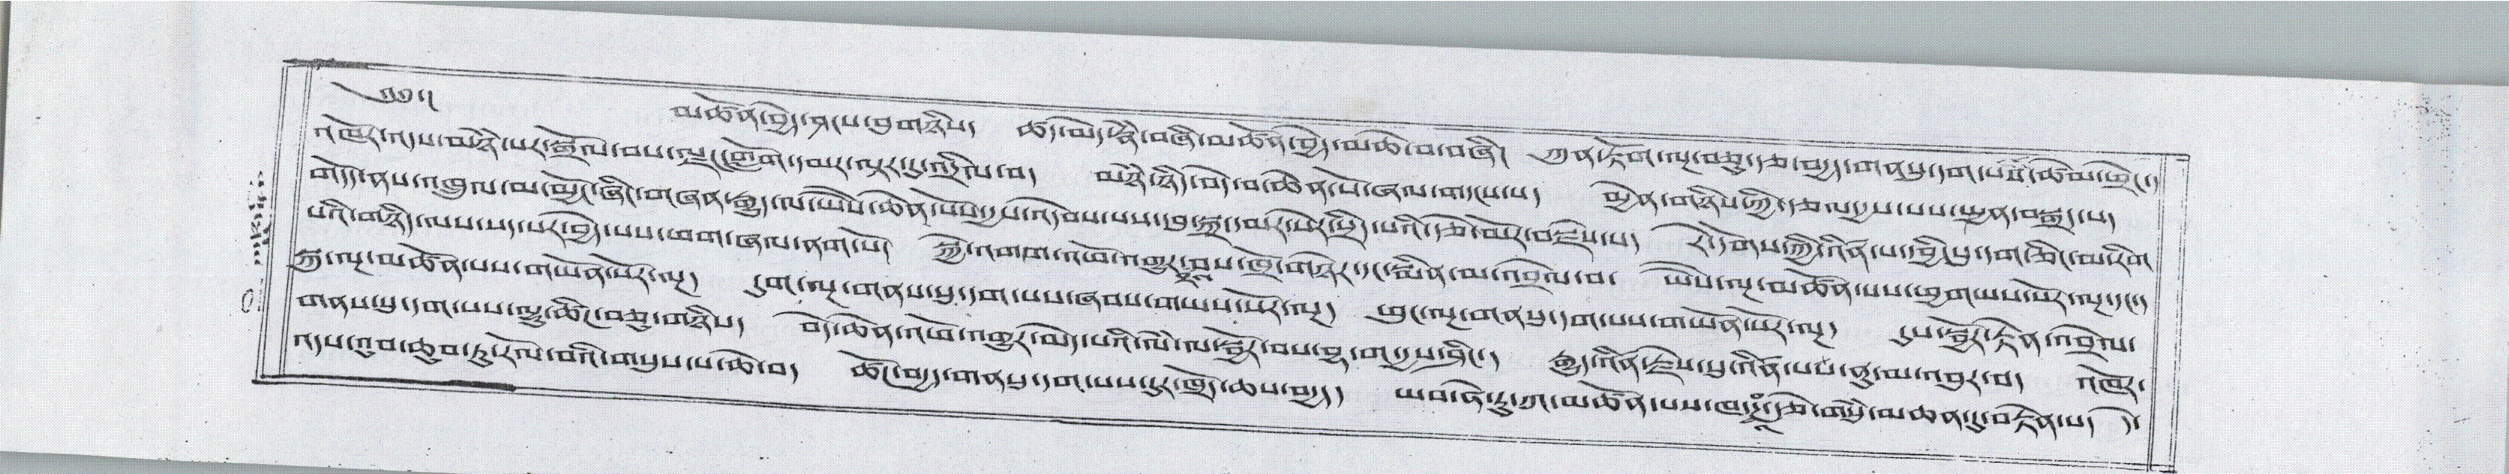མཚོན་བྱེད་ཤངས་བུག་གཉིས། ཚད་མེད་རྣམ་བཞི་མཚོན་བྱེད་མཆེ་བ་བཞི། ཀུན་རྟོག་ལྔ་བཅུ་རྩ་བརྒྱད་གནས་སུ་དག་པའི་ཚེམ་ཕྲེང་། 
འཁོར་འདས་མཉམ་པར་སྒྲོལ་བས་ལྗགས་གློག་དམར་ལྟར་དུ་འདྲིལ་བ། མཉམ་ཉིད་བདེ་བ་ཆེན་པོ་ཞལ་གདངས་པ། མཁྱེན་གཉིས་ཀྱི་རྩལ་རྒྱས་པས་སྤྱན་བསྒྲད་པ། 
གདོད་ནས་འཁྲུལ་མ་མྱོང་ཞིང་གཞན་རྒྱུད་ལ་ཡེ་ཤེས་ཆེན་པོས་རྒྱས་འདེབས་པས་དབུ་སྐྲ་དམར་སེར་སྲིད་པའི་རྩེ་མོར་བརྫེས་པ། རེ་དྭོགས་ཀྱི་འཛིན་པ་དབྱིངས་སུ་དག་ཅིང་མ་རིག་
པའི་གཉིད་ལས་སད་པར་བྱེད་པས་ཕག་ཞལ་ནག་པོ། སྐྱེ་འགག་འཕོ་འགྱུར་བྲལ་བས་ཁྲོ་གཉེར་དང་སྨིན་མ་འབྲེལ་བ། ཡེ་ཤེས་ལྔ་མཚོན་པས་ཕྱག་གཡས་སོར་ལྔ་དང་། 
སྐུ་ལྔ་མཚོན་པས་གཡོན་སོར་ལྔ། དུག་ལྔ་གནས་སུ་དག་པས་ཞབས་གཡས་སོར་ལྔ། ཕུང་ལྔ་གནས་སུ་དག་པས་གཡོན་སོར་ལྔ། དུས་སྦྱོར་རྟེན་འབྲེལ་
གནས་སུ་དག་པས་རྟེན་འབྲེལ་བཅུ་གཉིས། བདེ་ཆེན་འཕོ་འགྱུར་མེད་པའི་ལམ་ལ་སྦྱོར་བས་བྷ་ག་རྒྱས་ཤིང་། རྒྱུད་འཛིན་རྗེས་སུ་འཛིན་པས་ནུ་མ་འབུར་བ། འཁོར་
འདས་འུབས་ཆུབས་སུ་རོལ་པས་གསུས་པ་ཆེ་བ། ཚོགས་བརྒྱད་གནས་སུ་དག་པས་དུར་ཁྲོད་ཆས་བརྒྱད། ཡབ་ཧེ་རུ་ཀ་མཚོན་པས་ཁ་ཊཾ་རྩེ་གསུམ་མཆན་དུ་བརྟེན་པ། དེ་